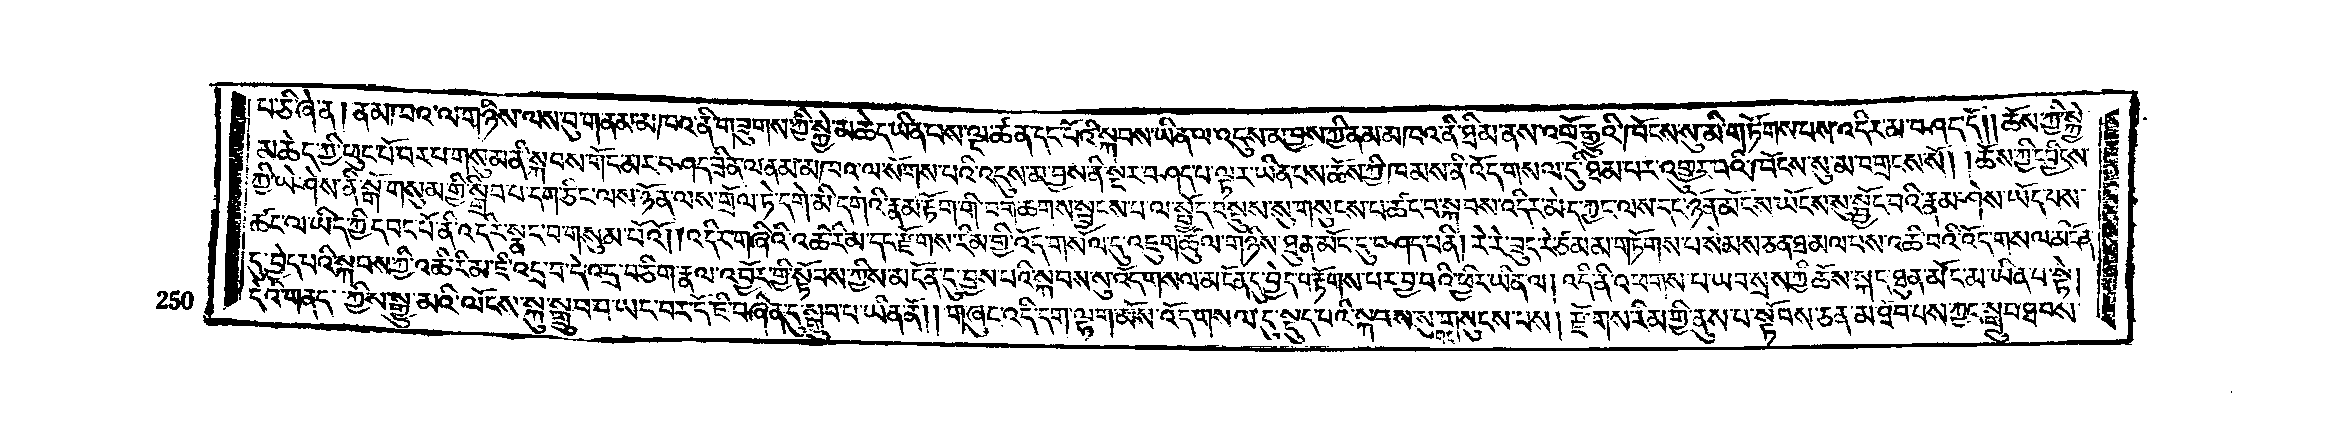པ་ཅི་ཞེ་ན། ནམ་མཁའ་ལ་གཉིས་ལས་བུ་ག་ནམ་མཁའ་ནི་གཟུགས་ཀྱི་སྐྱེ་མཆེད་ཡིན་པས་ལྔ་ཚན་དང་པོའི་སྐབས་ཡིན་ལ་འདུས་མ་བྱས་ཀྱི་ནམ་མཁའ་ནི་ཐིམ་ནས་འགྲོ་རྒྱུའི་ཁོངས་སུ་མི་གཏོགས་པས་འདིར་མ་བཤད་དོ། །ཆོས་ཀྱི་སྐྱེ་
མཆེད་ཀྱི་ཕུང་པོ་བར་པ་གསུམ་ནི་སྐབས་གོང་མར་བཤད་ཟིན་ལ་ནམ་མཁའ་ལ་སོགས་པའི་འདུས་མ་བྱས་ནི་སྔར་བཤད་པ་ལྟར་ཡིན་པས་ཆོས་ཀྱི་ཁམས་ནི་འོད་གསལ་དུ་ཐིམ་པར་འགྱུར་བའི་ཁོངས་སུ་མ་བགྲངས་སོ། །ཆོས་ཀྱི་དབྱིངས་
ཀྱི་ཡེ་ཤེས་ནི་སྒོ་གསུམ་གྱི་སྒྲིབ་པ་དག་ཅིང་ལས་ཉོན་ལས་གྲོལ་ཏེ་དགེ་མི་དགེའི་རྣམ་རྟོག་གི་བག་ཆགས་སྦྱངས་པ་ལ་སྤྱོད་བསྡུས་སུ་གསུངས་པ་ཚང་བ་སྐབས་འདིར་མེད་ཀྱང་ལས་དང་ཉོན་མོངས་ཡོངས་སུ་སྦྱོང་བའི་རྣམ་ཤེས་ཡོད་པས་
ཚང་ལ་ཡིད་ཀྱི་དབང་པོ་ནི་འདིར་སྣང་བ་གསུམ་པོའོ། །འདིར་གཞིའི་འཆི་རིམ་དང་རྫོགས་རིམ་གྱི་འོད་གསལ་དུ་འཇུག་ཚུལ་གཉིས་ཐུན་མོང་དུ་བཤད་པ་ནི། རེ་རེ་ཟུང་རེ་ཙམ་མ་གཏོགས་པ་སེམས་ཅན་ཐ་མལ་པས་འཆི་བའི་འོད་གསལ་མངོན་
དུ་བྱེད་པའི་སྐབས་ཀྱི་འཆི་རིམ་ཇི་འདྲ་བ་དེ་འདྲ་བ་ཅིག་རྣལ་འབྱོར་གྱི་སྟོབས་ཀྱིས་མངོན་དུ་བྱས་པའི་སྐབས་སུ་འོད་གསལ་མངོན་དུ་བྱེད་པ་རྟོགས་པར་བྱ་བའི་ཕྱིར་ཡིན་ལ། འདི་ནི་འཕགས་པ་ཡབ་སྲས་ཀྱི་ཆོས་སྐད་ཐུན་མོང་མ་ཡིན་པ་སྟེ།
དེའི་གནད་ཀྱིས་སྒྱུ་མའི་ལོངས་སྐུ་སྒྲུབ་པ་ཡང་བར་དོ་ཇི་བཞིན་དུ་སྒྲུབ་པ་ཡིན་ནོ། །གཞུང་འདི་དག་ལྷག་མོས་འོད་གསལ་དུ་སྡུད་པའི་སྐབས་སུ་ཡང་གསུངས་པས། རྫོགས་རིམ་གྱི་ནུས་པ་སྟོབས་ཅན་མ་ཐོབ་པས་ཀྱང་སྒྲུབ་ཐབས་